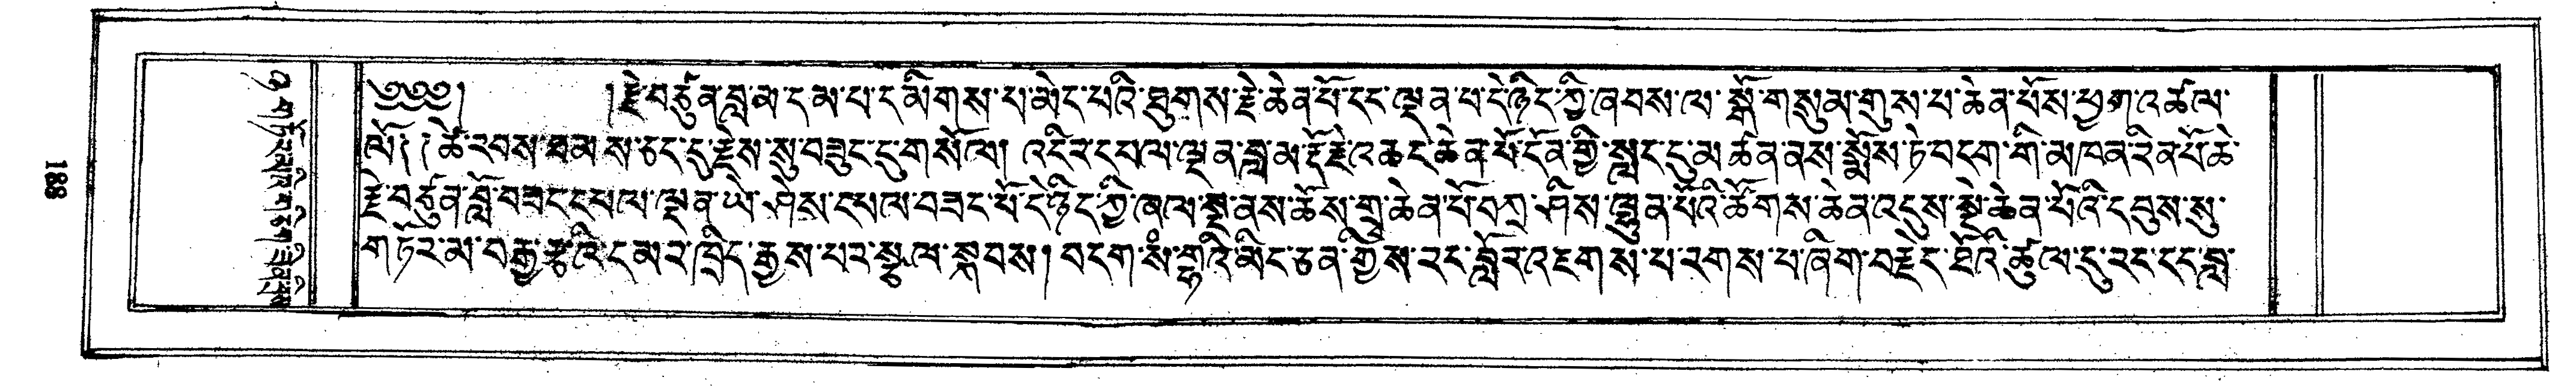༄༅༅། །རྗེ་བཙུན་བླ་མ་དམ་པ་དམིགས་པ་མེད་པའི་ཐུགས་རྗེ་ཆེན་པོ་དང་ལྡན་པ་དེ་ཉིད་ཀྱི་ཞབས་ལ་སྒོ་གསུམ་གུས་པ་ཆེན་པོས་ཕྱག་འཚལ་
ལོ༑ ༑ཚེ་རབས་ཐམས་ཅད་དུ་རྗེས་སུ་བཟུང་དུ་གསོལ། འདིར་དཔལ་ལྡན་བླ་མ་རྡོ་རྗེ་འཆང་ཆེན་པོ་དོན་གྱི་སླད་དུ་མཚན་ནས་སྨོས་ཏེ་བདག་གི་མཁན་རིན་པོ་ཆེ་
རྗེ་བཙུན་བློ་བཟང་དཔལ་ལྡན་ཡེ་ཤེས་དཔལ་བཟང་པོ་དེ་ཉིད་ཀྱི་ཞལ་སྔ་ནས་ཆོས་གྲྭ་ཆེན་པོ་བཀྲ་ཤིས་ལྷུན་པོའི་ཚོགས་ཆེན་འདུས་སྡེ་ཆེན་པོའི་དབུས་སུ་
གཏོར་མ་བརྒྱ་རྩའི་དམར་ཁྲིད་རྒྱས་པར་སྩལ་སྐབས། བདག་སཾ་གྷའི་མིང་ཅན་གྱིས་རང་བློར་འཇགས་པ་རགས་པ་ཞིག་བརྗེད་ཐོའི་ཚུལ་དུ་རང་དང་བླ་